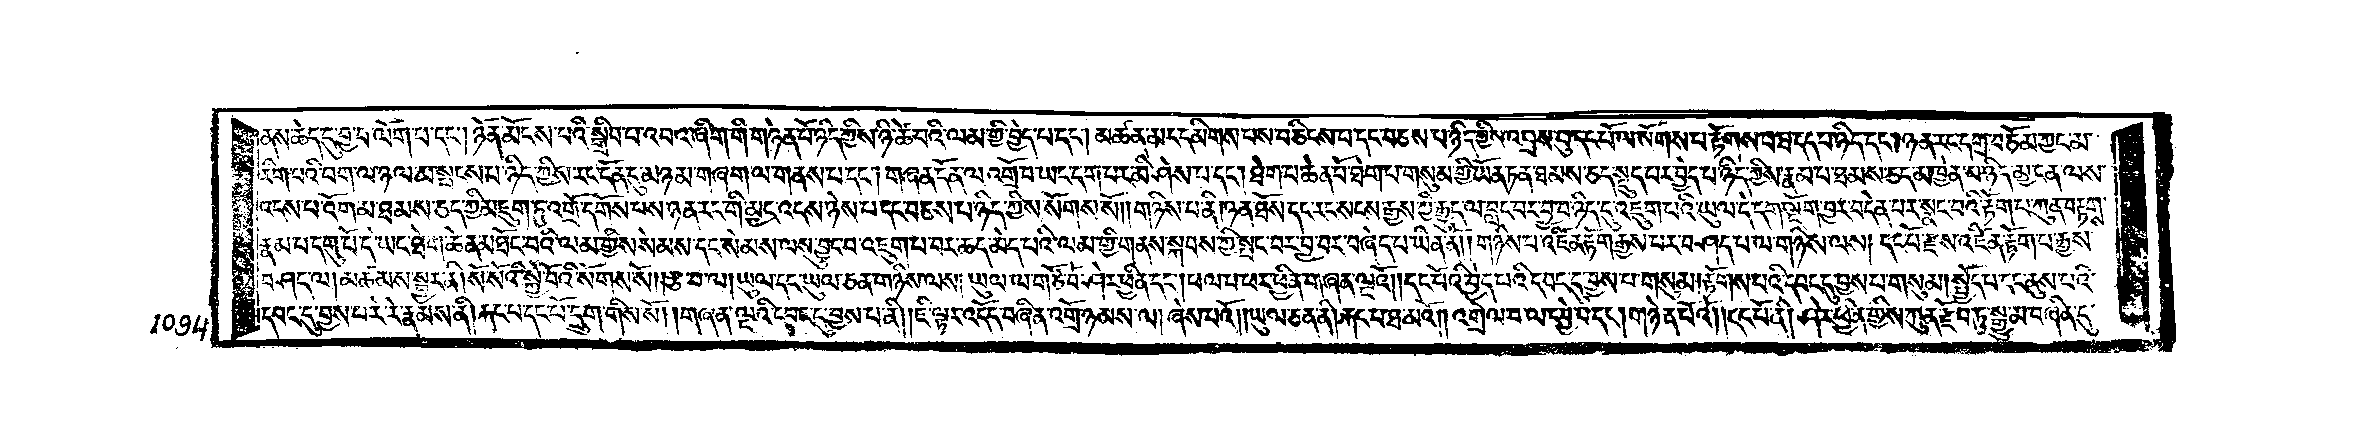ནས་ཆེད་དུ་བྱ་བ་ལོག་པ་དང་། ཉོན་མོངས་པའི་སྒྲིབ་པ་འབའ་ཞིག་གི་གཉེན་པོ་ཉིད་ཀྱིས་ཉི་ཚེ་བའི་ལམ་གྱི་བྱེད་པ་དང་། མཚན་མར་དམིགས་པས་བཅིངས་པ་དང་བཅས་པ་ཉིད་ཀྱིས་འབྲས་བུ་དང་པོ་ལ་སོགས་པ་རྟོགས་པ་ཐ་དད་པ་ཉིད་དང་། ཉན་རང་དགྲ་བཅོམ་ཀྱང་མ་
རིག་པའི་བག་ལ་ཉལ་མ་སྤངས་པ་ཉིད་ཀྱིས་རང་དོན་དུ་མཉམ་གཞག་ལ་གནས་པ་དང་། གཞན་དོན་ལ་འགྲོ་བ་ཡང་དག་པར་མི་ཤེས་པ་དང་། ཐེག་པ་ཆེན་པོ་ཐེག་པ་གསུམ་གྱི་ཡོན་ཏན་ཐམས་ཅད་སྡུད་པར་བྱེད་པ་ཉིད་ཀྱིས་རྣམ་པ་ཐམས་ཅད་མཁྱེན་པ་ཉིད་མྱ་ངན་ལས་
འདས་པ་འོག་མ་ཐམས་ཅད་ཀྱི་མཇུག་ཏུ་འགྲོ་དགོས་པས་ཉན་རང་གི་མྱང་འདས་ཉེས་པ་དང་བཅས་པ་ཉིད་ཀྱིས་སོགས་སོ། །གཉིས་པ་ནི། ཉན་ཐོས་དང་རང་སངས་རྒྱས་ཀྱི་རྒྱུད་ལ་བླང་བར་བྱ་བ་ཉིད་དུ་འཇུག་པའི་ཡུལ་དེ་དག་ལྡོག་བྱར་བདེན་པར་སྣང་བའི་རྟོག་པ་ཀུན་བརྟགས་
རྣམ་པ་དགུ་པོ་དེ་ཡང་ཐེག་ཆེན་མཐོང་བའི་ལམ་གྱིས་སེམས་དང་སེམས་ལས་བྱུང་བ་འཇུག་པ་བར་ཆད་མེད་པའི་ལམ་གྱི་གནས་སྐབས་ཀྱི་སྤང་བར་བྱ་བར་བཞེད་པ་ཡིན་ནོ། །གཉིས་པ་འཛིན་རྟོག་རྒྱས་པར་བཤད་པ་ལ་གཉིས་ལས། དང་པོ་རྫས་འཛིན་རྟོག་པ་རྒྱས་
བཤད་ལ། མཚམས་སྦྱར་ནི། སོ་སོའི་སྐྱེ་བོའི་སོགས་སོ། །རྩ་བ་ལ། ཡུལ་དང་ཡུལ་ཅན་གཉིས་ལས། ཡུལ་ལ་གཙོ་བོ་ཤེར་ཕྱིན་དང་། ཕལ་པ་ཕར་ཕྱིན་གཞན་ལྔའོ། །དང་པོའི་བྱེད་པའི་དབང་དུ་བྱས་པ་གསུམ། རྟོགས་པའི་དབང་དུ་བྱས་པ་གསུམ། སྤྱོད་པ་དང་ནུས་པའི་
དབང་དུ་བྱས་པ་རེ་རེ་རྣམས་ནི། རྐང་པ་དང་པོ་དྲུག་གིས་སོ། །གཞན་ལྔའི་དབང་དུ་བྱས་པ་ནི། །ཇི་ལྟར་འདོད་བཞིན་འགྲོ་ཉམས་ལ། ཞེས་པའོ། །ཡུལ་ཅན་ནི། རྐང་པ་ཐ་མའོ། །འགྲེལ་བ་ལ་དབྱེ་བ་དང་། གཉེན་པོའོ། །དང་པོ་ནི། ཤེར་ཕྱིན་གྱིས་ཀུན་རྫོབ་ཏུ་སྒྱུ་མ་བཞིན་དུ་